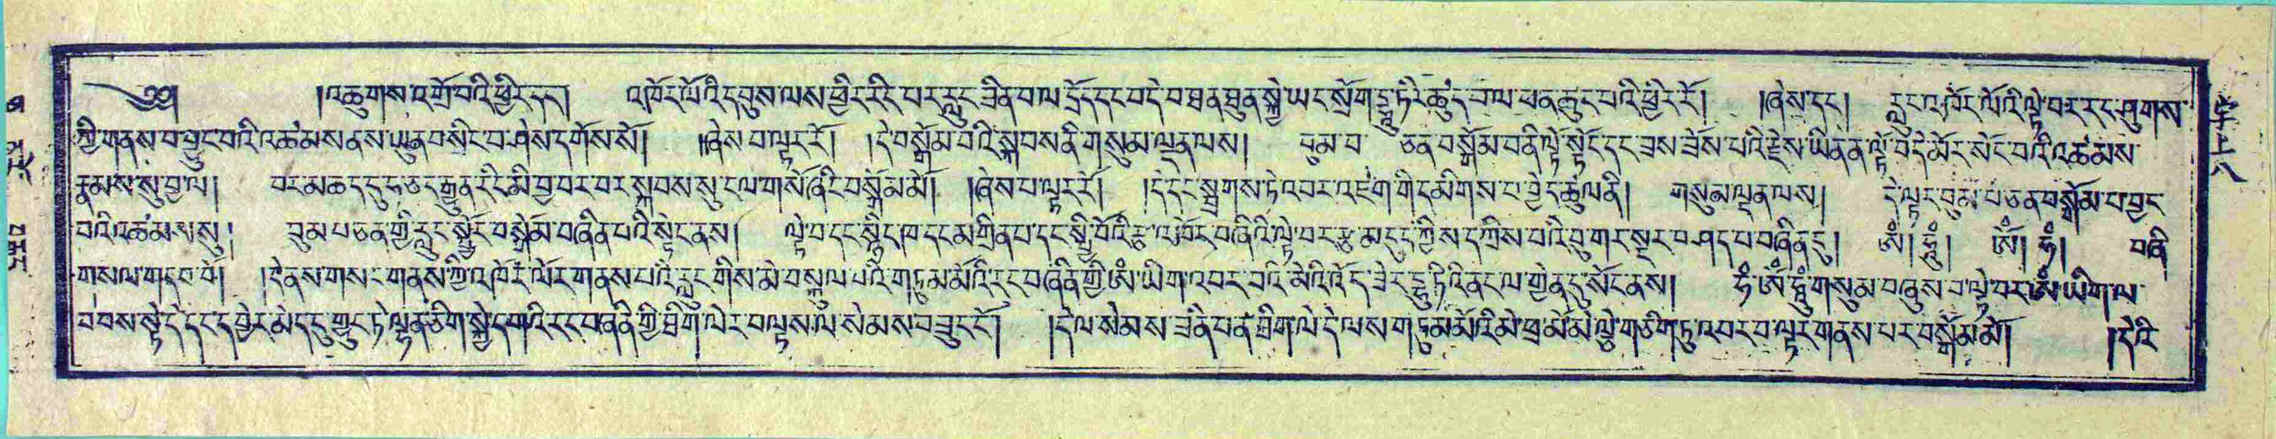༄༅། །འཆུགས་འགྲོ་བའི་ཕྱིར་དང་། འཁོར་
ལོའི་དབུས་ལས་ཕྱིར་རིང་པར་རླུང་ཟིན་བ་ལ་དྲོད་དང་བདེ་བ་ཐན་ཐུན་སྐྱེ་ཡང་སྲོག་དྷཱུ་ཏིར་ཚུད་བལ་ཕན་ཚུང་བའི་ཕྱིར་རོ། །ཞེས་དང་། རླུང་འཁོར་ལོའི་ལྟེ་བར་རང་ཤུགས་ཀྱི་གནས་པ་བྱུང་བའི་འཚམས་
ནས་ཡུན་བསྲེང་བ་ཤེས་དགོས་སོ། །ཞེས་པ་ལྟར་རོ། །དེ་བསྒོམ་བའི་སྐབས་ནི་གསུམ་ལྡན་ལས། བུམ་པ་ཅན་བསྒོམ་པ་ནི་ལྟོ་སྟོང་དང་ཟས་ཟོས་པའི་རྗེས་ཡིན་ན་ལྟོ་བདེ་མོར་སོང་བའི་འཚམས་
རྣམས་སུ་བྱལ། བར་མ་ཆད་དུ་ཧ་ཅང་རྒྱུན་རིང་མི་བྱ་བར་བར་སྐབས་སུ་ངལ་གསོ་ཞིང་བསྒོམ་མོ། །ཞེས་པ་ལྟར་རོ། དེ་དང་སྦྲགས་ཏེ་འབར་འཛག་གི་དམིགས་པ་བྱེད་ཚུལ་ནི། གསུམ་ལྡན་ལས།དེ་ལྟར་བུམ་པ་ཅན་བསྒོམ་པ་བྱང་བའི་འཚམས་སུ། བུམ་པ་ཅན་གྱི་རླུང་སྦྱོར་བསྒོམ་བཞིན་པའི་སྟེང་ནས། ལྟེ་བ་དང་སྙིང་ཁ་དང་མགྲིན་པ་དང་སྤྱི་བོའི་རྩ་འཁོར་བཞིའི་ལྟེ་བར་རྩ་མདུད་ཀྱིས་དཀྲིས་པའི་བུ་གར་
སྔར་བཤད་པ་བཞིན་དུ། ཨཾ། ཧཱུཾ། ཨོཾ། ཧཾ། བཞི་གསལ་གདབ་བོ། །དེ་ནས་གསང་གནས་ཀྱི་འཁོར་ལོར་གནས་པའི་རླུང་གིས་མེ་བསྐུལ་བའི་གཏུམ་མོའི་རང་བཞིན་གྱི་ཨོཾ་ཡིག་འབར་བའི་མེའི་འོད་
ཟེར་དྷུ་ཏིའི་ནང་ལ་གྱེན་དུ་སོང་ནས། ཧཾ་ཨོཾ་ཧཱུཾ་གསུམ་བཞུས་པ་ལྟེ་བར་ཨཾ་ཡིག་ལ་བབས་སྟེ་དེ་དང་དབྱེར་མེད་དུ་གྱུར་ཏེ་ལྷན་ཅིག་སྐྱེ་དགའི་རང་བཞིན་གྱི་ཐིག་ལེར་བལྟས་ལ་སེམས་བཟུང་ངོ། །དེ་ལ་སེམས་ཟིན་པ་ན་ཐིག་
ལེ་དེ་ལས་གཏུམ་མོའི་མེ་ཕྲ་མོ་མེ་ལྕེ་གཅིག་ཏུ་འབར་བ་ལྟར་གནས་པར་བསྒོམ་མོ། །དེའི་